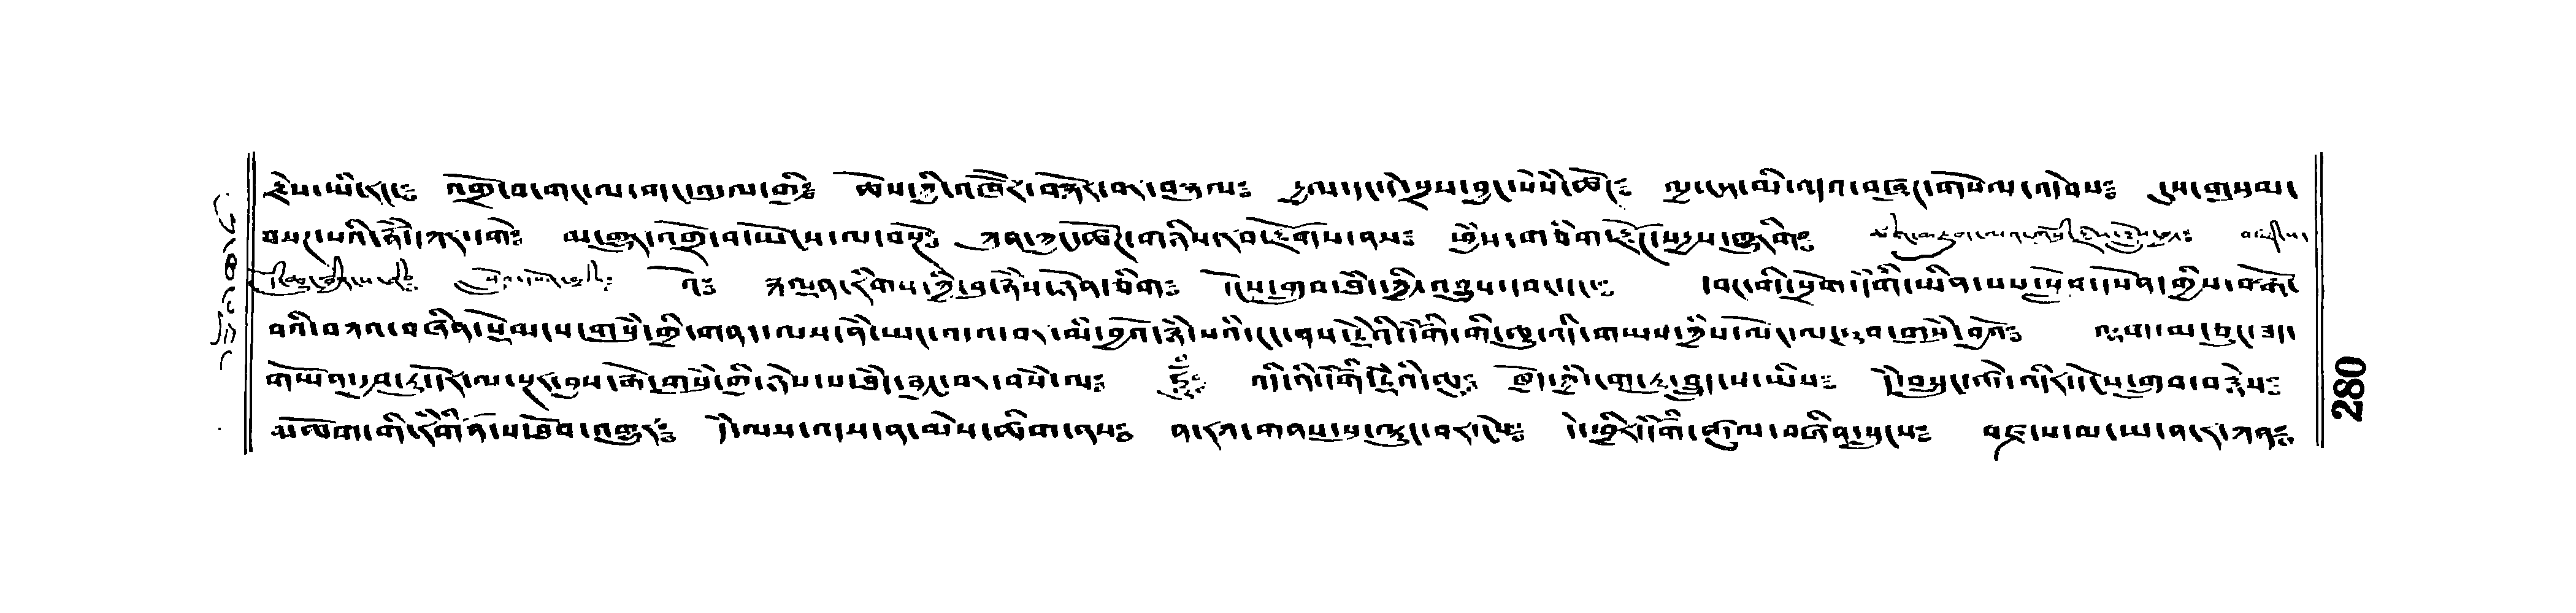རྗེས་ཡི་རང༔ འགྲོ་བ་གང་ལ་གང་འདུལ་གྱི༔ ཆོས་ཀྱི་འཁོར་ལོ་བསྐོར་བར་བསྐུལཿ རྒྱལ་དང་དེ་སྲས་བྱང་སེམས་ཚོགས༔ མྱ་ངན་མི་འདའ་བཞུགས་གསོལ་འདེབས༔ དུས་གསུམ་
བསགས་པའི་རྣམ་དཀར་དགེ༔ མ་གྱུར་འགྲོ་བ་ཡོངས་ལ་བསྔོཿ ཀུན་ཀྱང་ཚོགས་གཉིས་རབ་རྫོགས་ནས༔ ཕྱམ་གཅིག་རྫོགས་སངས་རྒྱས་གྱུར་ཅིག༔ ཚིག་མཇུག་ལན་གསུམ་རྗེས་ཟློས་བྱ༔ བཞི་པ་
དམ་ཆུ་སྦྱིན་པ་ནི༔ སློབ་དཔོན་གྱིས༔ འོ༔ སྐལ་ལྡན་རིགས་ཀྱི་བུ་རྣམས་ཉོན་ཅིག༔ དངོས་གྲུབ་ཐམས་ཅད་ཀྱི་འབྱུང་གནས་དབང་དང༔ དབང་གི་སྲོག་དམ་ཚིག་ཡིན་པས་སློབ་དཔོན་གྱིས་བསྒོ་
བའི་བཀའ་བཞིན་སྡོམ་པ་གསུམ་གྱི་གནད་ལས་ནམ་ཡང་འདའ་བར་མི་བྱའོ་སྙམ་པའི་ངང་ནས་རྡོ་རྗེའི་དམ་ཚིག་གི་ཆུ་འདི་གཡས་ཀྱིས་ལོང་ལ་ཧུབ་གསུམ་བྱའོ༔ ལྷག་མ་ཅུང་ཟད་
གཡོན་རྒྱབ་ཏུ་དོར་ལ་སྔར་བྱས་སྒོ་གསུམ་གྱི་ཉེས་པ་ཐམས་ཅད་སྦྱང་བར་བསམ་ལ༔ཧཱུྃ༔ འདི་ནི་དམ་ཚིག་རྡོ་རྗེའི་ཆུ༔ ཁྱོད་ཀྱི་ངག་ཏུ་བླུད་པ་ཡིས༔ དམ་བསྲུང་ཚེ་འདིར་དངོས་གྲུབ་བརྙེས༔ 
མཆོག་གི་རིག་འཛིན་ས་ཐོབ་འགྱུར༔ དམ་ལས་འདས་ན་མེས་ཚིག་ནས༔ ན་རཀ་གནས་སུ་ལྷུང་བར་ངེས༔ དེ་ཕྱིར་དམ་ཚིག་ཚུལ་བཞིན་སྲུངས༔ བཛྲ་ས་མ་ཡ་ན་ར་ཀན༔